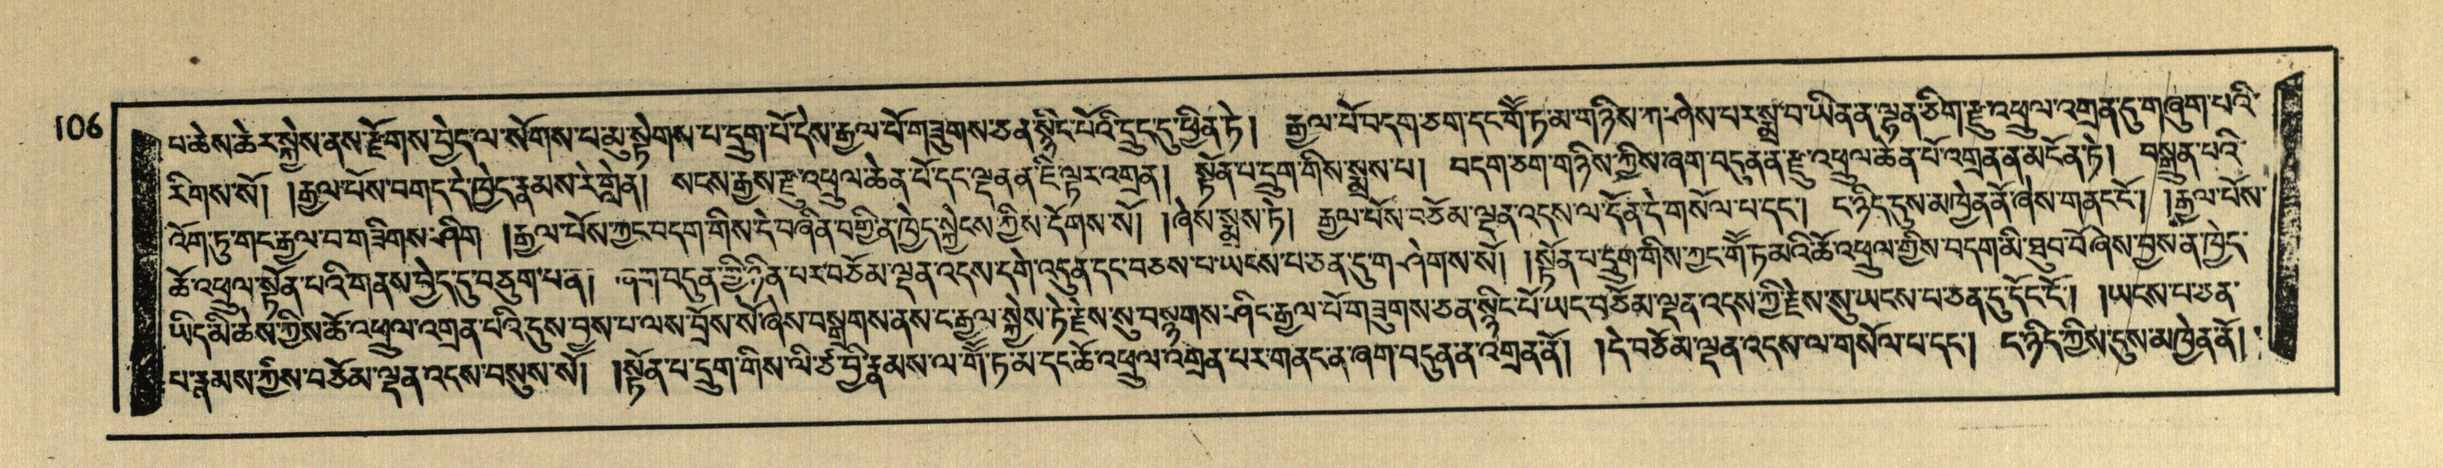པ་ཆེས་ཆེར་སྐྱེས་ནས་རྫོགས་བྱེད་ལ་སོགས་པ་མུ་སྟེགས་པ་དྲུག་པོ་དེས་རྒྱལ་པོ་གཟུགས་ཅན་སྙིང་པོའི་དྲུང་དུ་ཕྱིན་ཏེ། རྒྱལ་པོ་བདག་ཅག་དང་གཽ་ཏ་མ་གཉིས་ཀ་ཤེས་པར་སྨྲ་བ་ཡིན་ན་ལྷན་ཅིག་རྫུ་འཕྲུལ་འགྲན་དུ་གཞུག་པའི་
རིགས་སོ། །རྒྱལ་པོས་བགད་དེ་ཁྱེད་རྣམས་རེ་གླེན། སངས་རྒྱས་རྫུ་འཕྲུལ་ཆེན་པོ་དང་ལྡན་ན་ཇི་ལྟར་འགྲན། སྟོན་པ་དྲུག་གིས་སྨྲས་པ། བདག་ཅག་གཉིས་ཀྱིས་ཞག་བདུན་ན་རྫུ་འཕྲུལ་ཆེན་པོ་འགྲན་ན་མངོན་ཏེ། བསྒྲུན་པའི་
འོག་ཏུ་གང་རྒྱལ་བ་གཟིགས་ཤིག །རྒྱལ་པོས་ཀྱང་བདག་གིས་དེ་བཞིན་བགྱི་ན་ཁྱེད་སྐྱེངས་ཀྱིས་དོགས་སོ། །ཞེས་སྨྲས་ཏེ། རྒྱལ་པོས་བཅོམ་ལྡན་འདས་ལ་དོན་དེ་གསོལ་པ་དང་། ང་ཉིད་དུས་མཁྱེན་ནོ་ཞེས་གནང་ངོ། །རྒྱལ་པོས་
ཆོ་འཕྲུལ་སྟོན་པའི་གནས་བྱེད་དུ་བཅུག་པ་ན། ཞག་བཅུན་གྱི་ཉིན་པར་བཅོམ་ལྡན་འདས་དགེ་འདུན་དང་བཅས་པ་ཡངས་པ་ཅན་དུ་གཤེགས་སོ། །སྟོན་པ་དྲུག་གིས་ཀྱང་གཽ་ཏ་མའི་ཆོ་འཕྲུལ་གྱིས་བདག་མི་ཐུབ་བོ་ཞེས་བྱས་ན་ཁྱེད་
ཡིད་མི་ཆེས་ཀྱིས་ཆོ་འཕྲུལ་འགྲན་པའི་དུས་བྱས་པ་ལས་བྲོས་སོ་ཞེས་བསྒྲགས་ནས་ང་རྒྱལ་སྐྱེས་ཏེ་རྗེས་སུ་བསྙགས་ཤིང་རྒྱལ་པོ་གཟུགས་ཅན་སྙིང་པོ་ཡང་བཅོམ་ལྡན་འདས་ཀྱི་རྗེས་སུ་ཡངས་པ་ཅན་དུ་དོང་ངོ། །ཡངས་པ་ཅན་
པ་རྣམས་ཀྱིས་བཅོམ་ལྡན་འདས་བསུས་སོ། །སྟོན་པ་དྲུག་གིས་ལི་ཙ་བྱི་རྣམས་ལ་གཽ་ཏ་མ་དང་ཆོ་འཕྲུལ་འགྲེན་པར་གནང་ན་ཞག་བདུན་ན་འགྲན་ནོ། །དེ་བཅོམ་ལྡན་འདས་ལ་གསོལ་པ་དང་། ང་ཉིད་ཀྱིས་དུས་མཁྱེན་ནོ། །